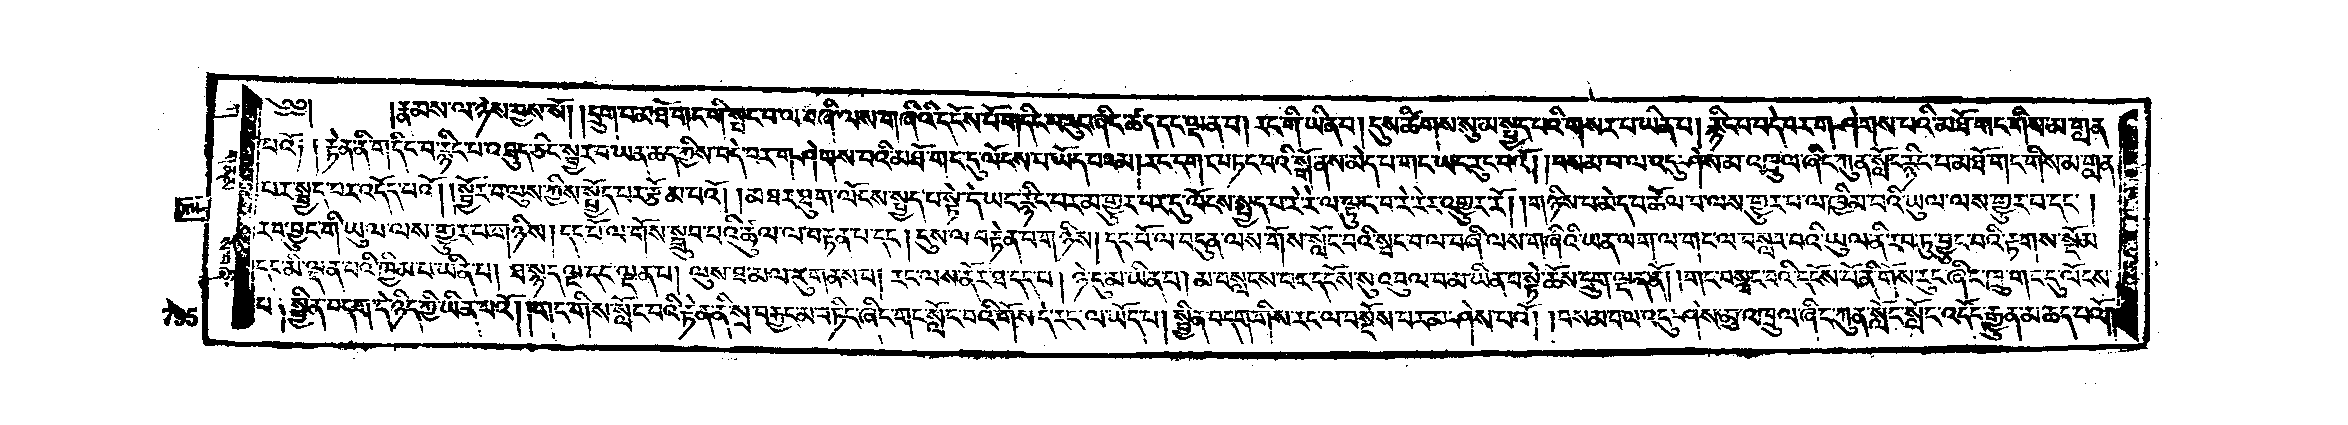༄༅། །རྣམས་ལ་ཉེས་བྱས་སོ། །དྲུག་པ་མཐོ་གང་གི་སྤང་བ་ལ་བཞི་ལས་གཞིའི་དངོས་པོ་གདིང་མ་?་རུང་ཞིང་ཚད་དང་ལྡན་པ། རང་གི་ཡིན་པ། དུས་ཚིགས་སུ་མ་སྤྱད་པའི་གསར་པ་ཡིན་པ། རྙིང་པ་བདེ་བར་གཤེགས་པའི་མཐོ་གང་གིས་མ་གླན་
པའོ༑ ༑རྟེན་ནི་གདིང་བ་རྙིང་པ་འཐུད་ཅིང་སྦྱར་བ་ཡན་ཆད་ཀྱིས་བདེ་བར་གཤེགས་པའི་མཐོ་གང་དུ་ལོངས་པ་ཡོད་པའམ། རང་དགར་བཏང་བའི་སྒོ་ནས་མེད་པ་གང་ཡང་རུང་བའོ། །བསམ་པ་ལ་འདུ་ཤེས་མ་འཁྲུལ་ཞིང་ཀུན་སློང་རྙིང་པ་མཐོ་གང་གིས་མ་གླན་
པར་སྦྱད་པར་འདོད་པའོ། །སྦྱོར་བ་ལུས་ཀྱིས་སྤྱོད་པར་རྩོམ་པའོ། །མཐར་ཐུག་ལོངས་སྤྱད་པ་སྟེ་དེ་ཡང་རྙིང་པར་མ་གྱུར་པར་དུ་ལོངས་སྤྱད་པ་རེ་རེ་ལ་ལྟུང་བ་རེ་རེར་འགྱུར་རོ། །གཉིས་པ་མེད་པ་ཚོལ་བ་ལས་གྱུར་པ་ལ་ཁྱིམ་པའི་ཡུལ་ལས་གྱུར་བ་དང་།
རབ་བྱུང་གི་ཡུལ་ལས་གྱུར་པ་གཉིས། དང་པོ་ལ་གོས་སྒྲུབ་པའི་ཚུལ་ལ་བརྟན་པ་དང་། དུས་ལ་བརྟེན་པ་གཉིས། དང་པོ་ལ་བདུན་ལས་གོས་སློང་བའི་སྤང་བ་ལ་བཞི་ལས་གཞིའི་ཡན་ལག་ལ་གང་ལ་བསླར་བའི་ཡུལ་ནི་རབ་ཏུ་བྱུང་བའི་རྟགས་སྡོམ་
དང་མི་ལྡན་པའི་ཁྱིམ་པ་ཡིན་པ། ཐ་སྙད་ལྔ་དང་ལྡན་པ། ལུས་ཐ་མལ་རུ་གནས་པ། རང་ལས་ནོར་ཐ་དད་པ། ཉེ་དུ་མ་ཡིན་པ། མ་བསླངས་པར་དངོས་སུ་འབུལ་བ་མ་ཡིན་པ་སྟེ་ཆོས་དྲུག་ལྡན་ནོ། །གང་བསླང་བའི་དངོས་པོ་ནི་གོས་རུང་ཞིང་ཁྲུ་གང་དུ་ལོངས་
པ། སྦྱིན་བདག་དེ་ཉིད་ཀྱི་ཡིན་པའོ། །གང་གིས་སློང་བའི་རྟེན་ནི་སྲ་བརྐྱང་མ་བཏིང་ཞིང་གང་སློང་བའི་གོས་དེ་རང་ལ་ཡོད་པ། སྦྱིན་བདག་གིས་རང་ལ་བསྡོས་པར་མ་ཤེས་པའོ། །བསམ་པ་ལ་འདུ་ཤེས་མུ་འཁྲུལ་ཞིང་ཀུན་སློང་འདོད་རྒྱུན་མ་ཆད་པའོ།།